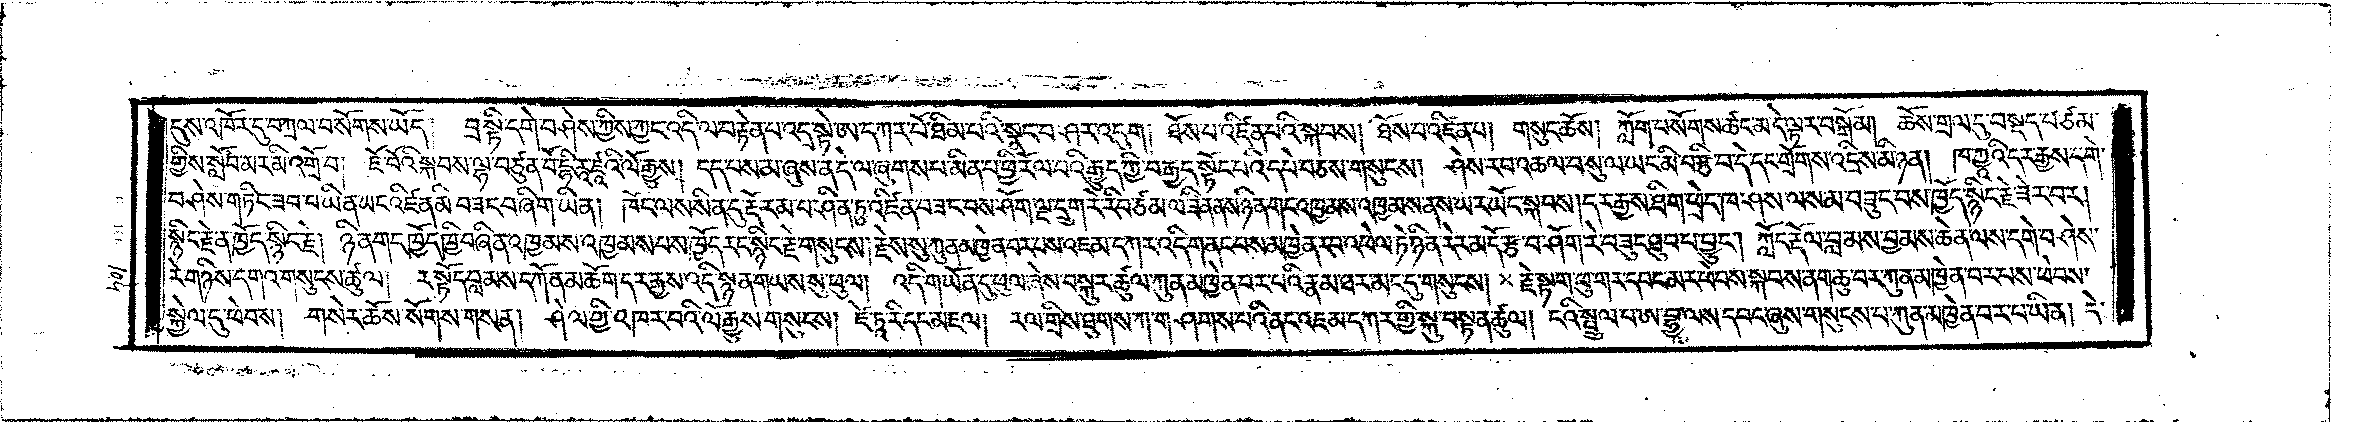དུས་འཁོར་དུ་བཀྲལ་བ་སོགས་ཡོད། བྲ་སྟི་དགེ་བཤེས་ཀྱིས་ཀྱང་འདི་ལ་བརྟེན་པ་འདྲ་སྟེ་ཨ་དཀར་པོ་ཐིམ་པའི་སྣང་བ་ཤར་འདུག། ཐོས་པ་འཛིན་པའི་སྐབས། ཐོས་པ་འཛིན་པ། གསུང་ཆོས། ཀློག་པ་སོགས་ཚང་མ་དེ་ལྟར་བསྒོམ། ཆོས་གྲལ་དུ་བསྡད་པ་ཙམ་
གྱིས་སློབ་མར་མི་འགྲོ་བ། ཇོ་བོའི་སྐབས་ལྷ་བཙུན་བོདྷི་རཱཛཱའི་ལོ་རྒྱུས། དད་པས་མ་ཞུས་ན་དེ་ལ་ཞུགས་པ་མིན་པ་ཕྱི་རོལ་པའི་རྒྱུད་ཀྱི་བརྒྱད་སྟོང་པའི་དཔེ་བཅས་གསུངས། ཤེས་རབ་འཆལ་བ་སུ་ལ་ཡང་མི་བརྩི་བ་དེ་དང་གྲོགས་འདྲིས་མི་ཉན། ཁ་ཀྱཱའི་དར་རྒྱས་དགེ་
བཤེས་གཏིང་ཟབ་པ་ཡིན་ཡང་འཛིན་མི་བཟང་བ་ཞིག་ཡིན། ཁོང་ལས་སིན་དུ་རྡོར་མ་པ་ཤིན་ཏུ་འཛིན་བཟང་བས་ཤོག་ལྔ་དྲུག་རེ་རིབ་ཙམ་ལ་ཟིན་ནས་ཉིན་གང་འཁྱམས་འཁྱམས་ནས་ཡར་ཡོང་སྐབས། དར་རྒྱས་ཐིག་ཕྲེང་ཁ་ཤས་ལས་མ་བཟུང་བས་ཁྱོད་སྙིང་རྗེ་ཟེར་བར།
སྙིང་རྗེ་ན་ཁྱོད་སྙིང་རྗེ། ཉིན་གང་ཁྱོད་ཁྱི་བཞིན་འཁྱམས་འཁྱམས་པས་ཁྱོད་རང་སྙིང་རྗེ་གསུངས། རྗེས་སུ་ཀུན་མཁྱེན་བར་པས་འཇམ་དཀར་འདི་གནང་པས་མཁྱེན་རབ་འཕེལ་ཏེ་ཉིན་རེར་མདོ་རྩ་བ་ཤོག་རེ་བཟུང་ཐུབ་པ་བྱུང་། ཀློང་རྡོལ་བླ་མས་བྱམས་ཆེན་ལས་དགེ་བཤེས་
རེ་གཉིས་དགའ་གསུངས་ཚུལ། ར་སྟོད་བླ་མས་དཀོན་མཆོག་དར་རྒྱས་འདི་སྙན་གཡས་སུ་ཕུལ། འདི་གཡོན་དུ་ཕུལ་ཞེས་བསྐུར་ཚུལ་ཀུན་མཁྱེན་བར་པའི་རྣམ་ཐར་མང་དུ་གསུངས། ྾་རྗེ་སྟག་ཕུ་གར་དབང་མར་ཕེབས་སྐབས་ནག་ཆུ་བར་ཀུན་མཁྱེན་བར་པས་ཕེབས་
སྐྱེལ་དུ་ཕེབས། གསེར་ཆོས་སོགས་གསན། ཤེལ་གྱི་འཁར་བའི་ལོ་རྒྱུས་གསུངས། ཛེ་ཏཱ་རི་དང་མཇལ། རལ་གྲིས་ཐུགས་ཀ་གཤགས་པའི་ནང་འཇམ་དཀར་གྱི་སྐུ་བསྟན་ཚུལ། ངའི་སྤྲུལ་པ་ཨ་བྷྱཱ་ལས་དབང་ཞུས་གསུངས་པ་ཀུན་མཁྱེན་བར་པ་ཡིན། དེ་